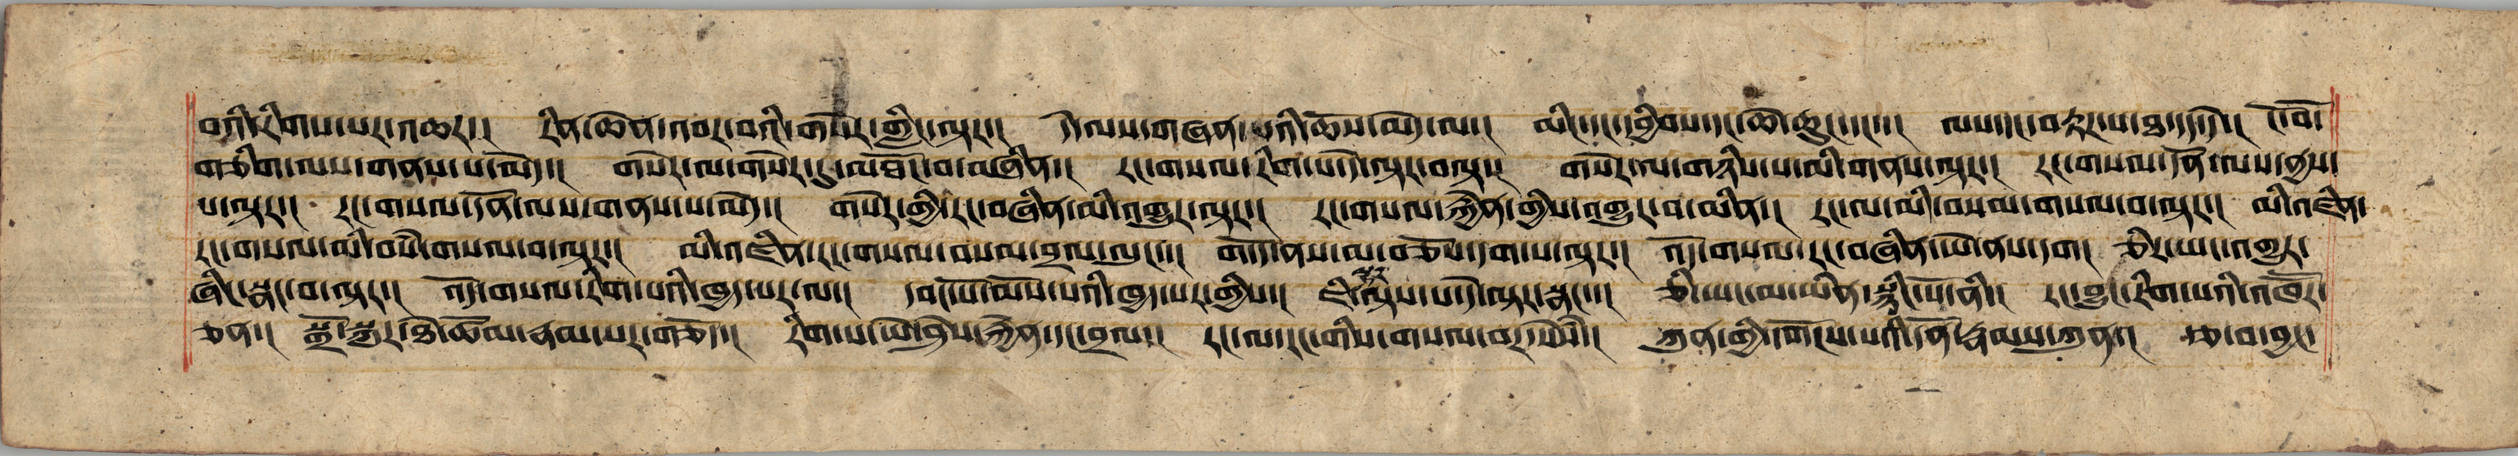བའི་རིགས་པར་འཆར་། རིན་ཆེན་འབར་བའི་གསེར་གླིང་ལྟར་། དེ་ལས་གཞན་པའི་ཆོས་མེད་ལ་། མིང་དང་དབྱིབས་དང་ཆེ་ཆུང་དང་་། ལས་དང་བརྟཌ་པ་ཐ་དད་དེ་། ངོ་བོ་
གཅིག་ལས་གནས་པ་མེད་། གསེར་ལ་གསེར་དུ་མཐོང་བ་བཞིན་། རང་གསལ་རིག་པ་དེ་ལྟར་བལྟ་། གསེར་ལ་གཉིས་པ་མི་གནས་ལྟར་། རང་གསལ་དོན་ལས་ནྱས་
པ་ལྟར་། རང་གསལ་དོན་ལས་གནས་པ་མེད་། གསེར་གྱི་རང་བཞིན་མི་འགྱུར་ལྟར་། རང་གསལ་རྐྱེན་གྱིས་འགྱུར་བ་མིན་། རང་ལ་མི་བསལ་གསལ་བ་ལྟར་། མི་འཛིན་
རང་གསལ་མི་བསཾ་གསལ་བ་ལྟར་། མི་འཛིན་རང་གསལ་བསམ་བྲལ་ལུང་་། གདོད་ནས་མ་བཅོས་དག་པ་ལྟར་། འོད་གསལ་རང་བཞིན་ཡེ་ནས་དག། ཅིར་ཡང་འགྱུར་
ཞངི་སྣང་བ་ལྟར་། འོད་གསལ་རིག་པའི་ཁྱད་པར་ལ་། དབང་པོ་མོས་པའི་ཁྱད་པར་གྱིས་། ཇི་ལྟར་ལྟས་པ་དེ་ལྟར་སྣང་་། ཅི་ཡང་མ་ཡིན་སྙིང་པོ་ནི་། རང་བྱུང་རིག་པའི་འཁཽར་
ཅན་། སྒྲོ་སྐུར་ཐེ་ཚོམ་རྣམ་པར་གཅོད་། རིག་པ་ཡེ་ཤེས་རྐྱེན་དང་བྲལ་། རང་ལ་རང་གིས་གསལ་བར་སེཾས་། ཀུན་གྱི་དགོངས་པའི་དོན་རྣམས་ཀུན་། རྩ་བ་བྱང་